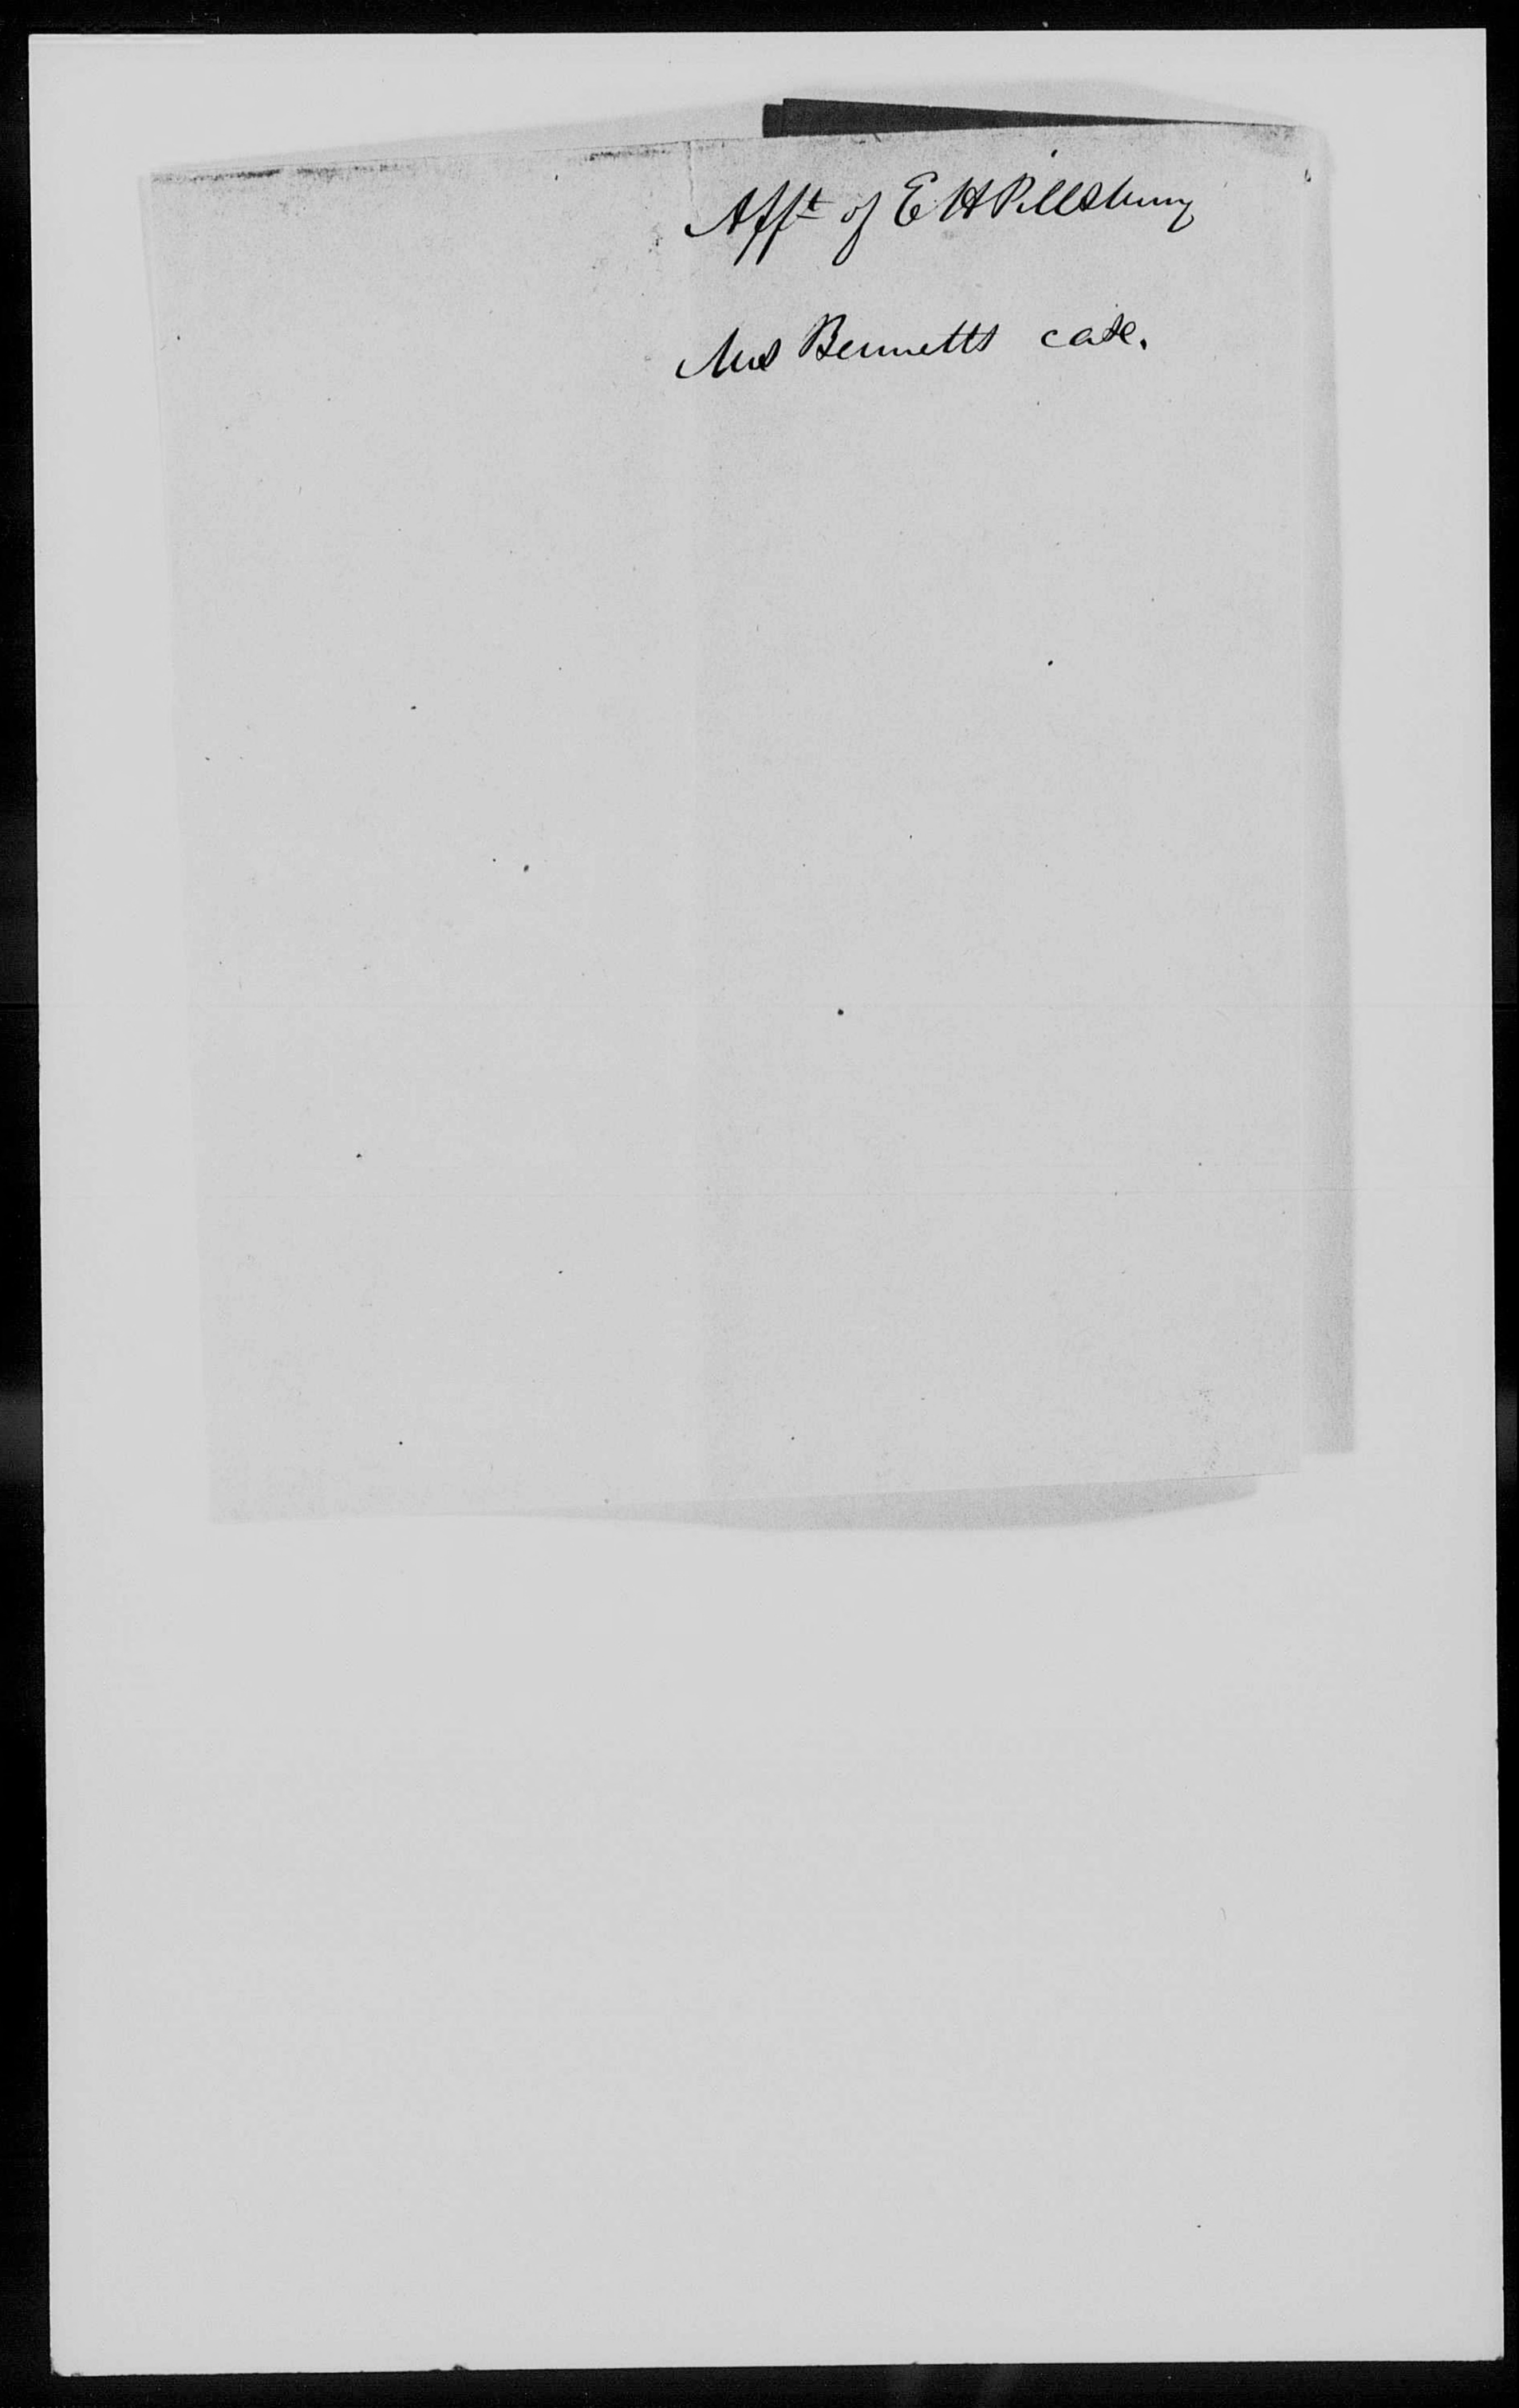Afft of E H Pillsbury
Mrs Bennett case,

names: E H Pillsbury, Bennett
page: 13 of 43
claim: widow's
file: W. 21665, Ebenezer Bennett, N. H. Privateer.